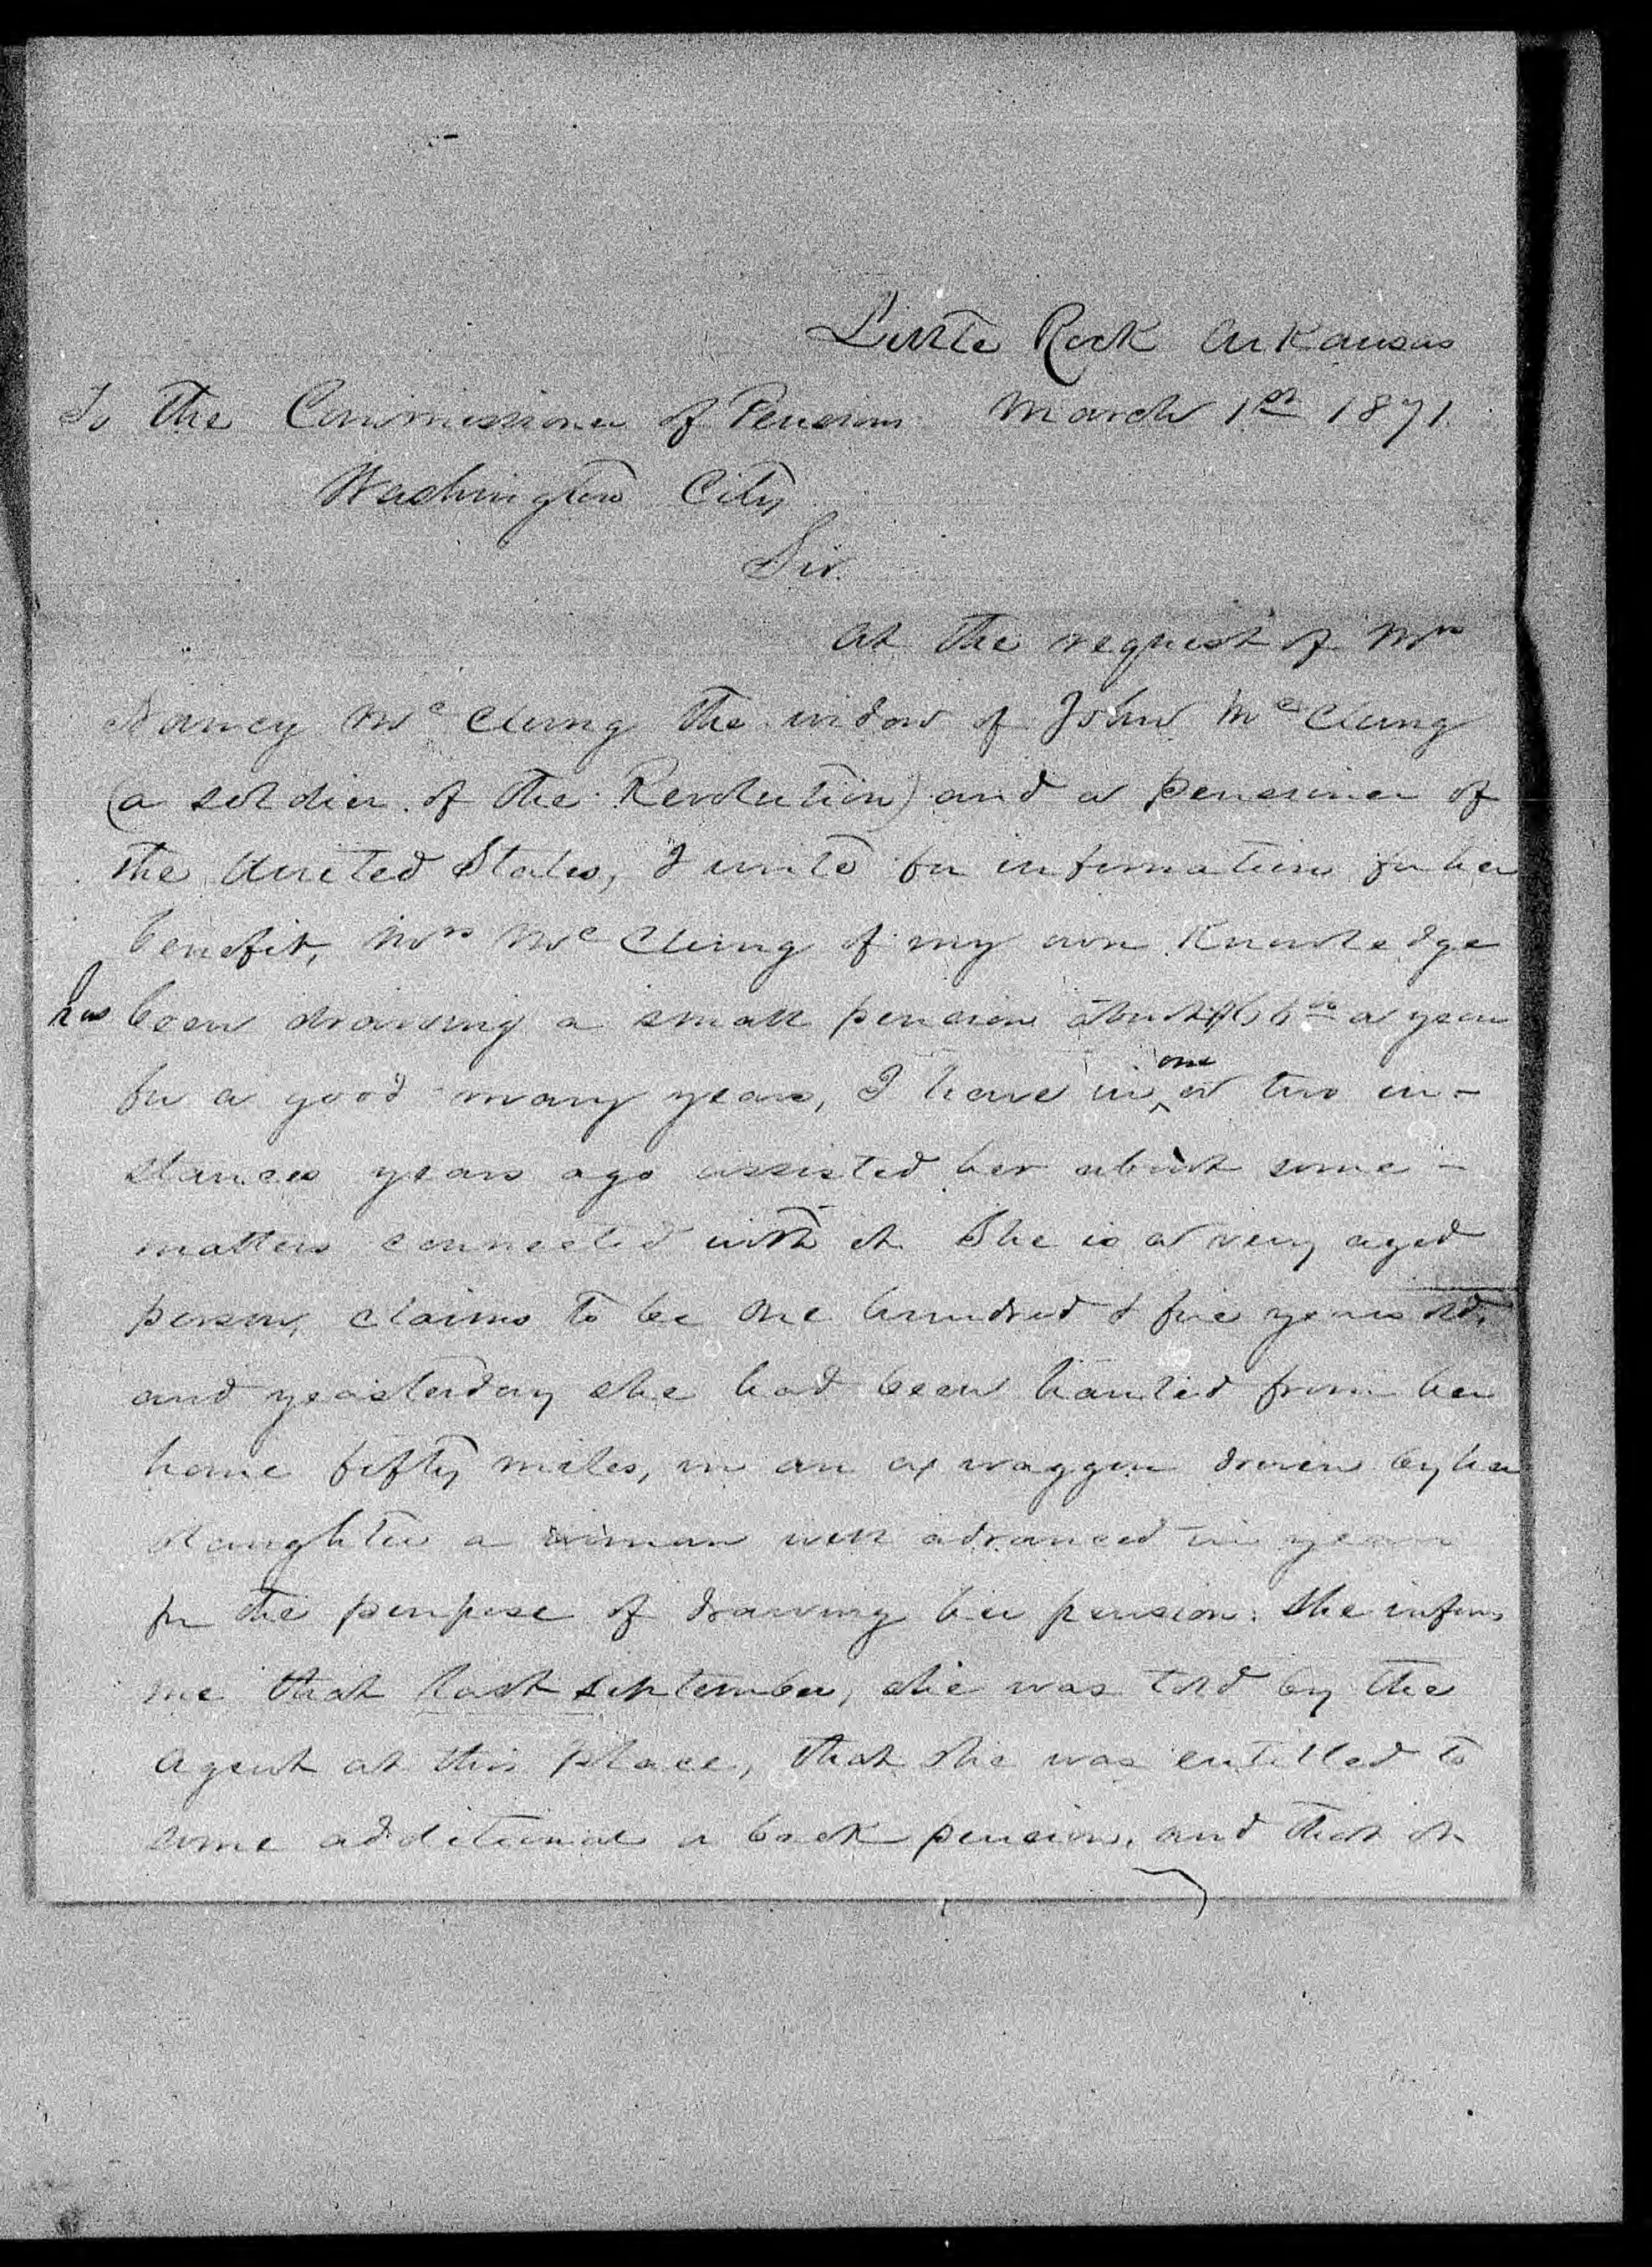Little Rock Arkansas
March 1st 1871
Commissioner of Pension
Washington City
Sir
at the request of Mrs. Nancy McClung the widow of John McClung soldier of the Revolution and a pensioner of the United States, I unto for information for her Benefit, Mrs. McClung of my own knowledge been drawing a small pension about $66.00 a year for a good many years, I have in one or two instances years ago assisted her with some matters connected with it. She is a very aged person
claims to be one hundred & five years old and yesterday she had been hauled from her home fifty miles, in an a wagon driven by her daughter a woman well advanced in years for the purpose of having her pension: she informs me that last September, she was told by the Agent at this place, that she was entitled to some additional a back pension, and [illegible]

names: Nancy Mc Clung; John Mc Clung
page: 84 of 115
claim: widow's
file: W. 1446, for John Mc Clung, South Carolina